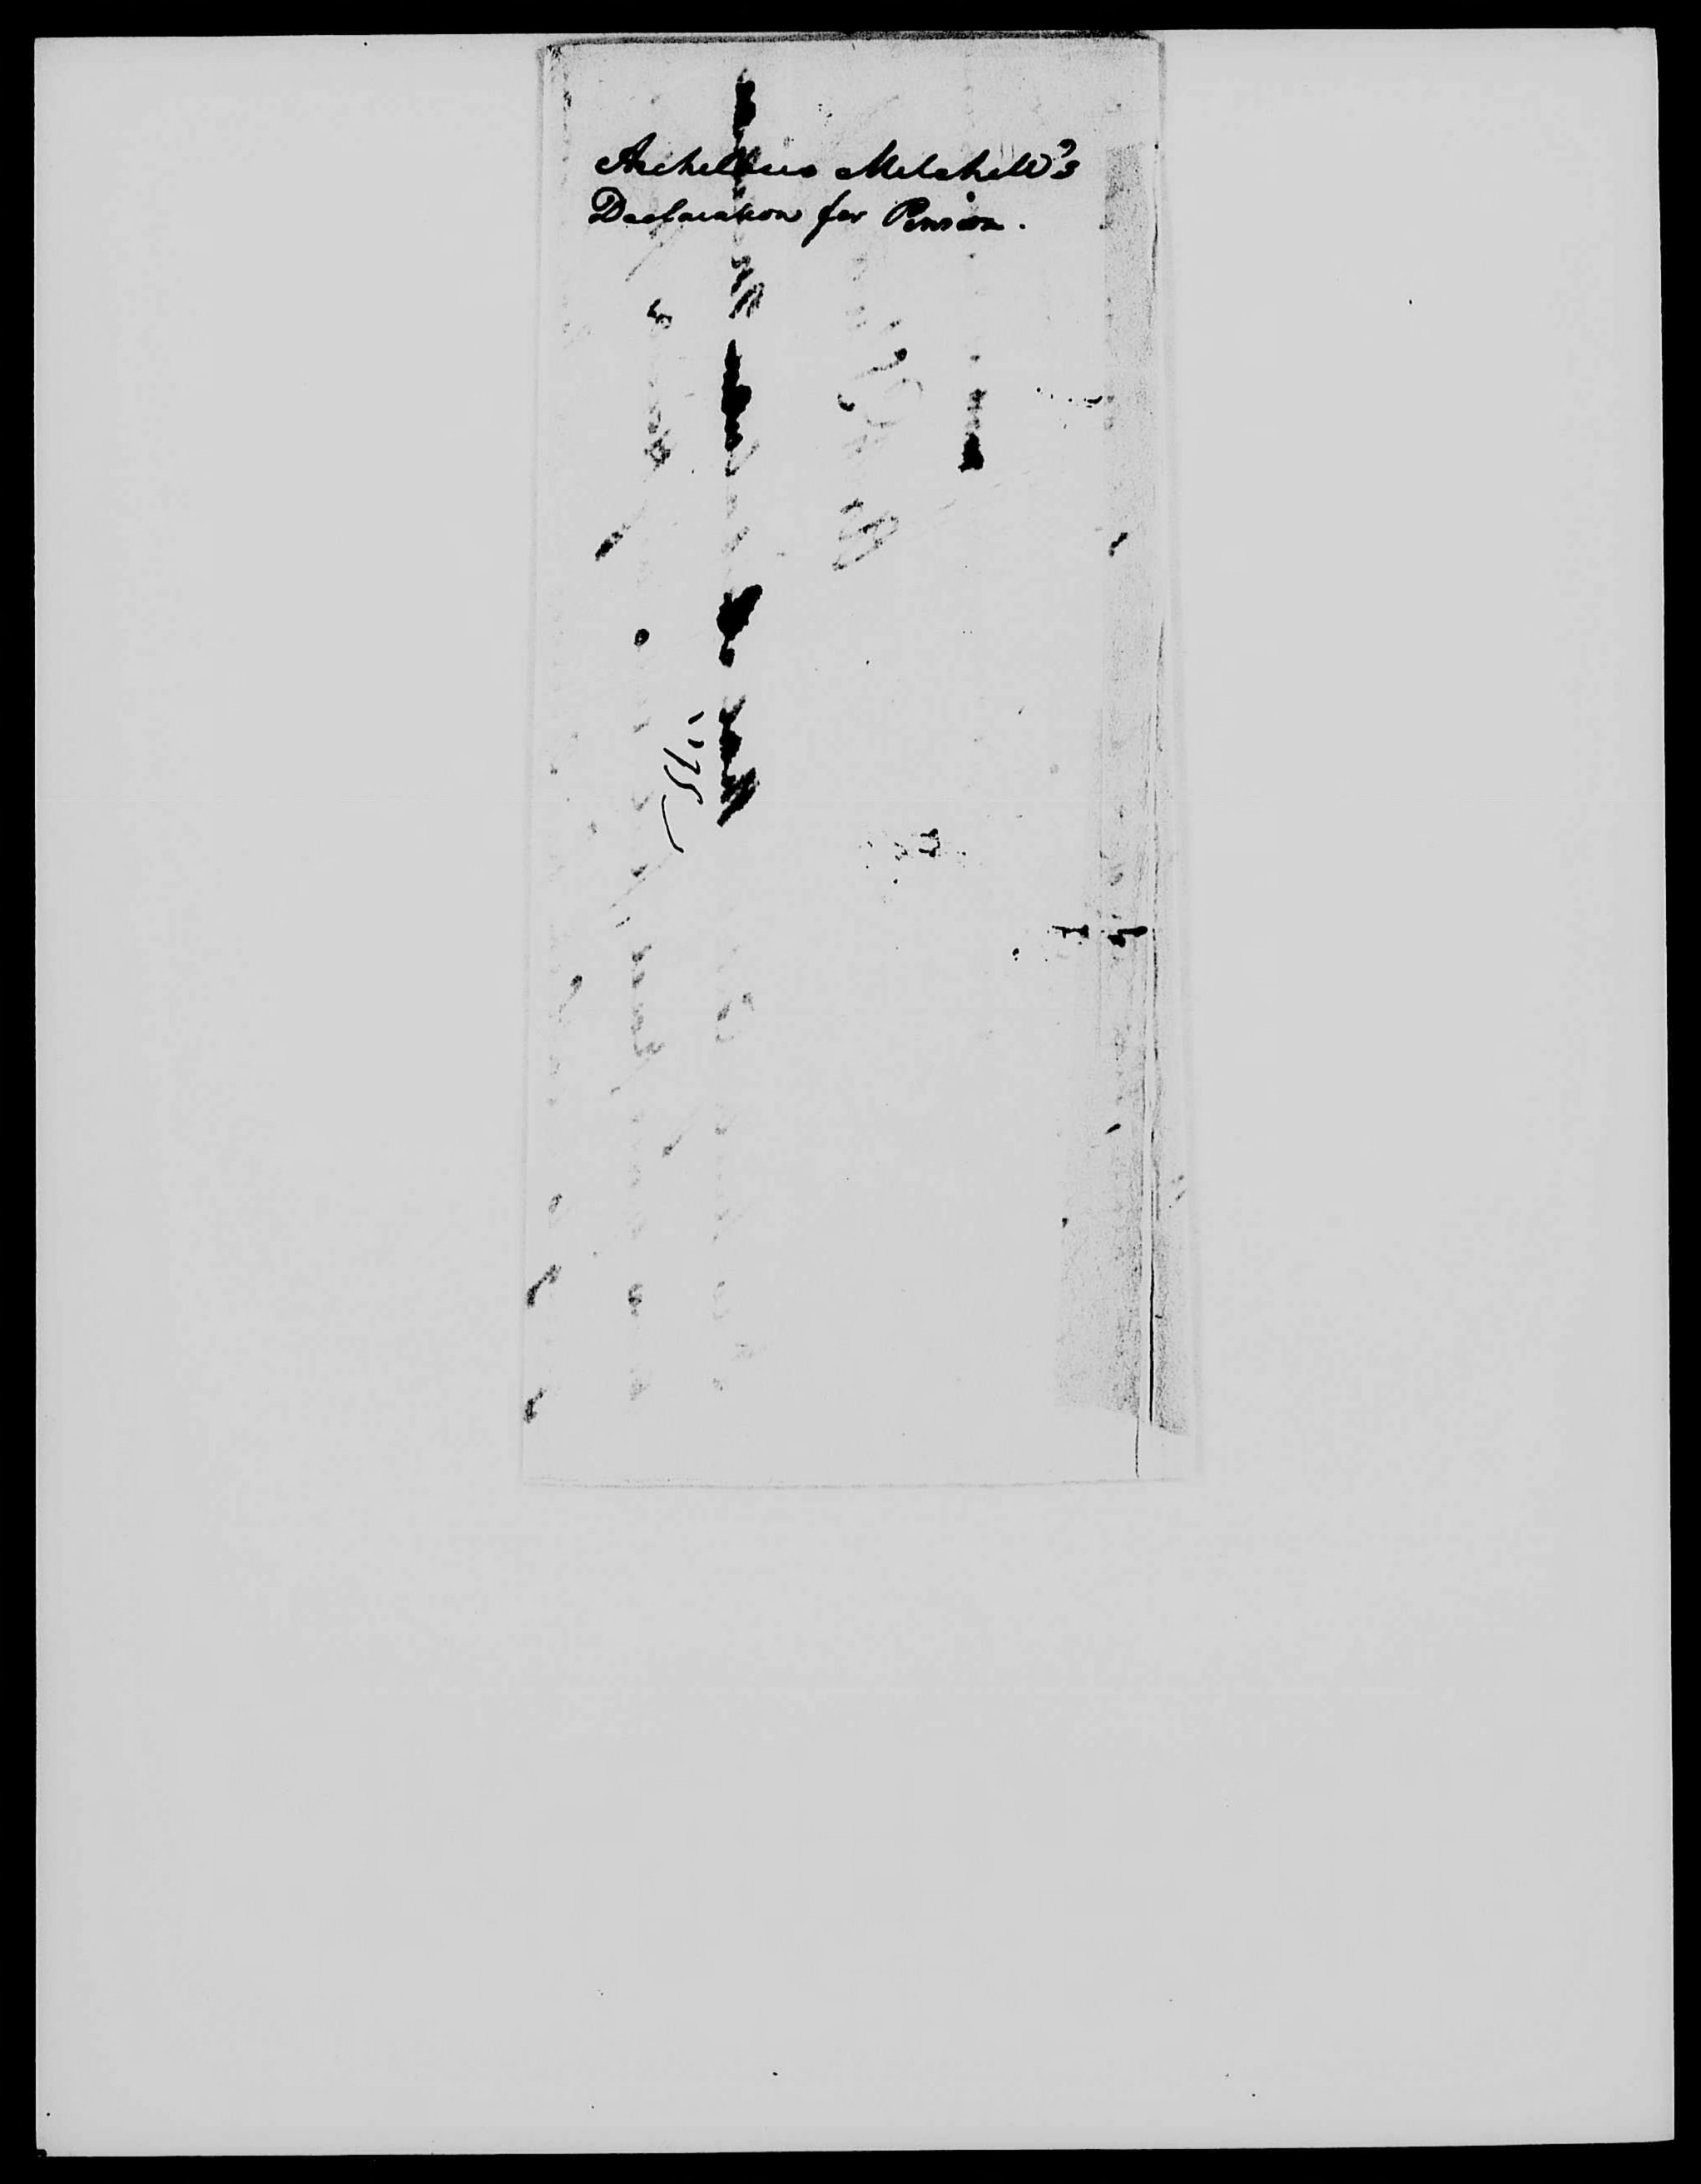Archelaus Mitchell's
Declaration for Pension.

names: Archelaus Mitchell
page: 13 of 23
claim: survivor's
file: S. 38226, for Archelaus Mitchell, Virginia